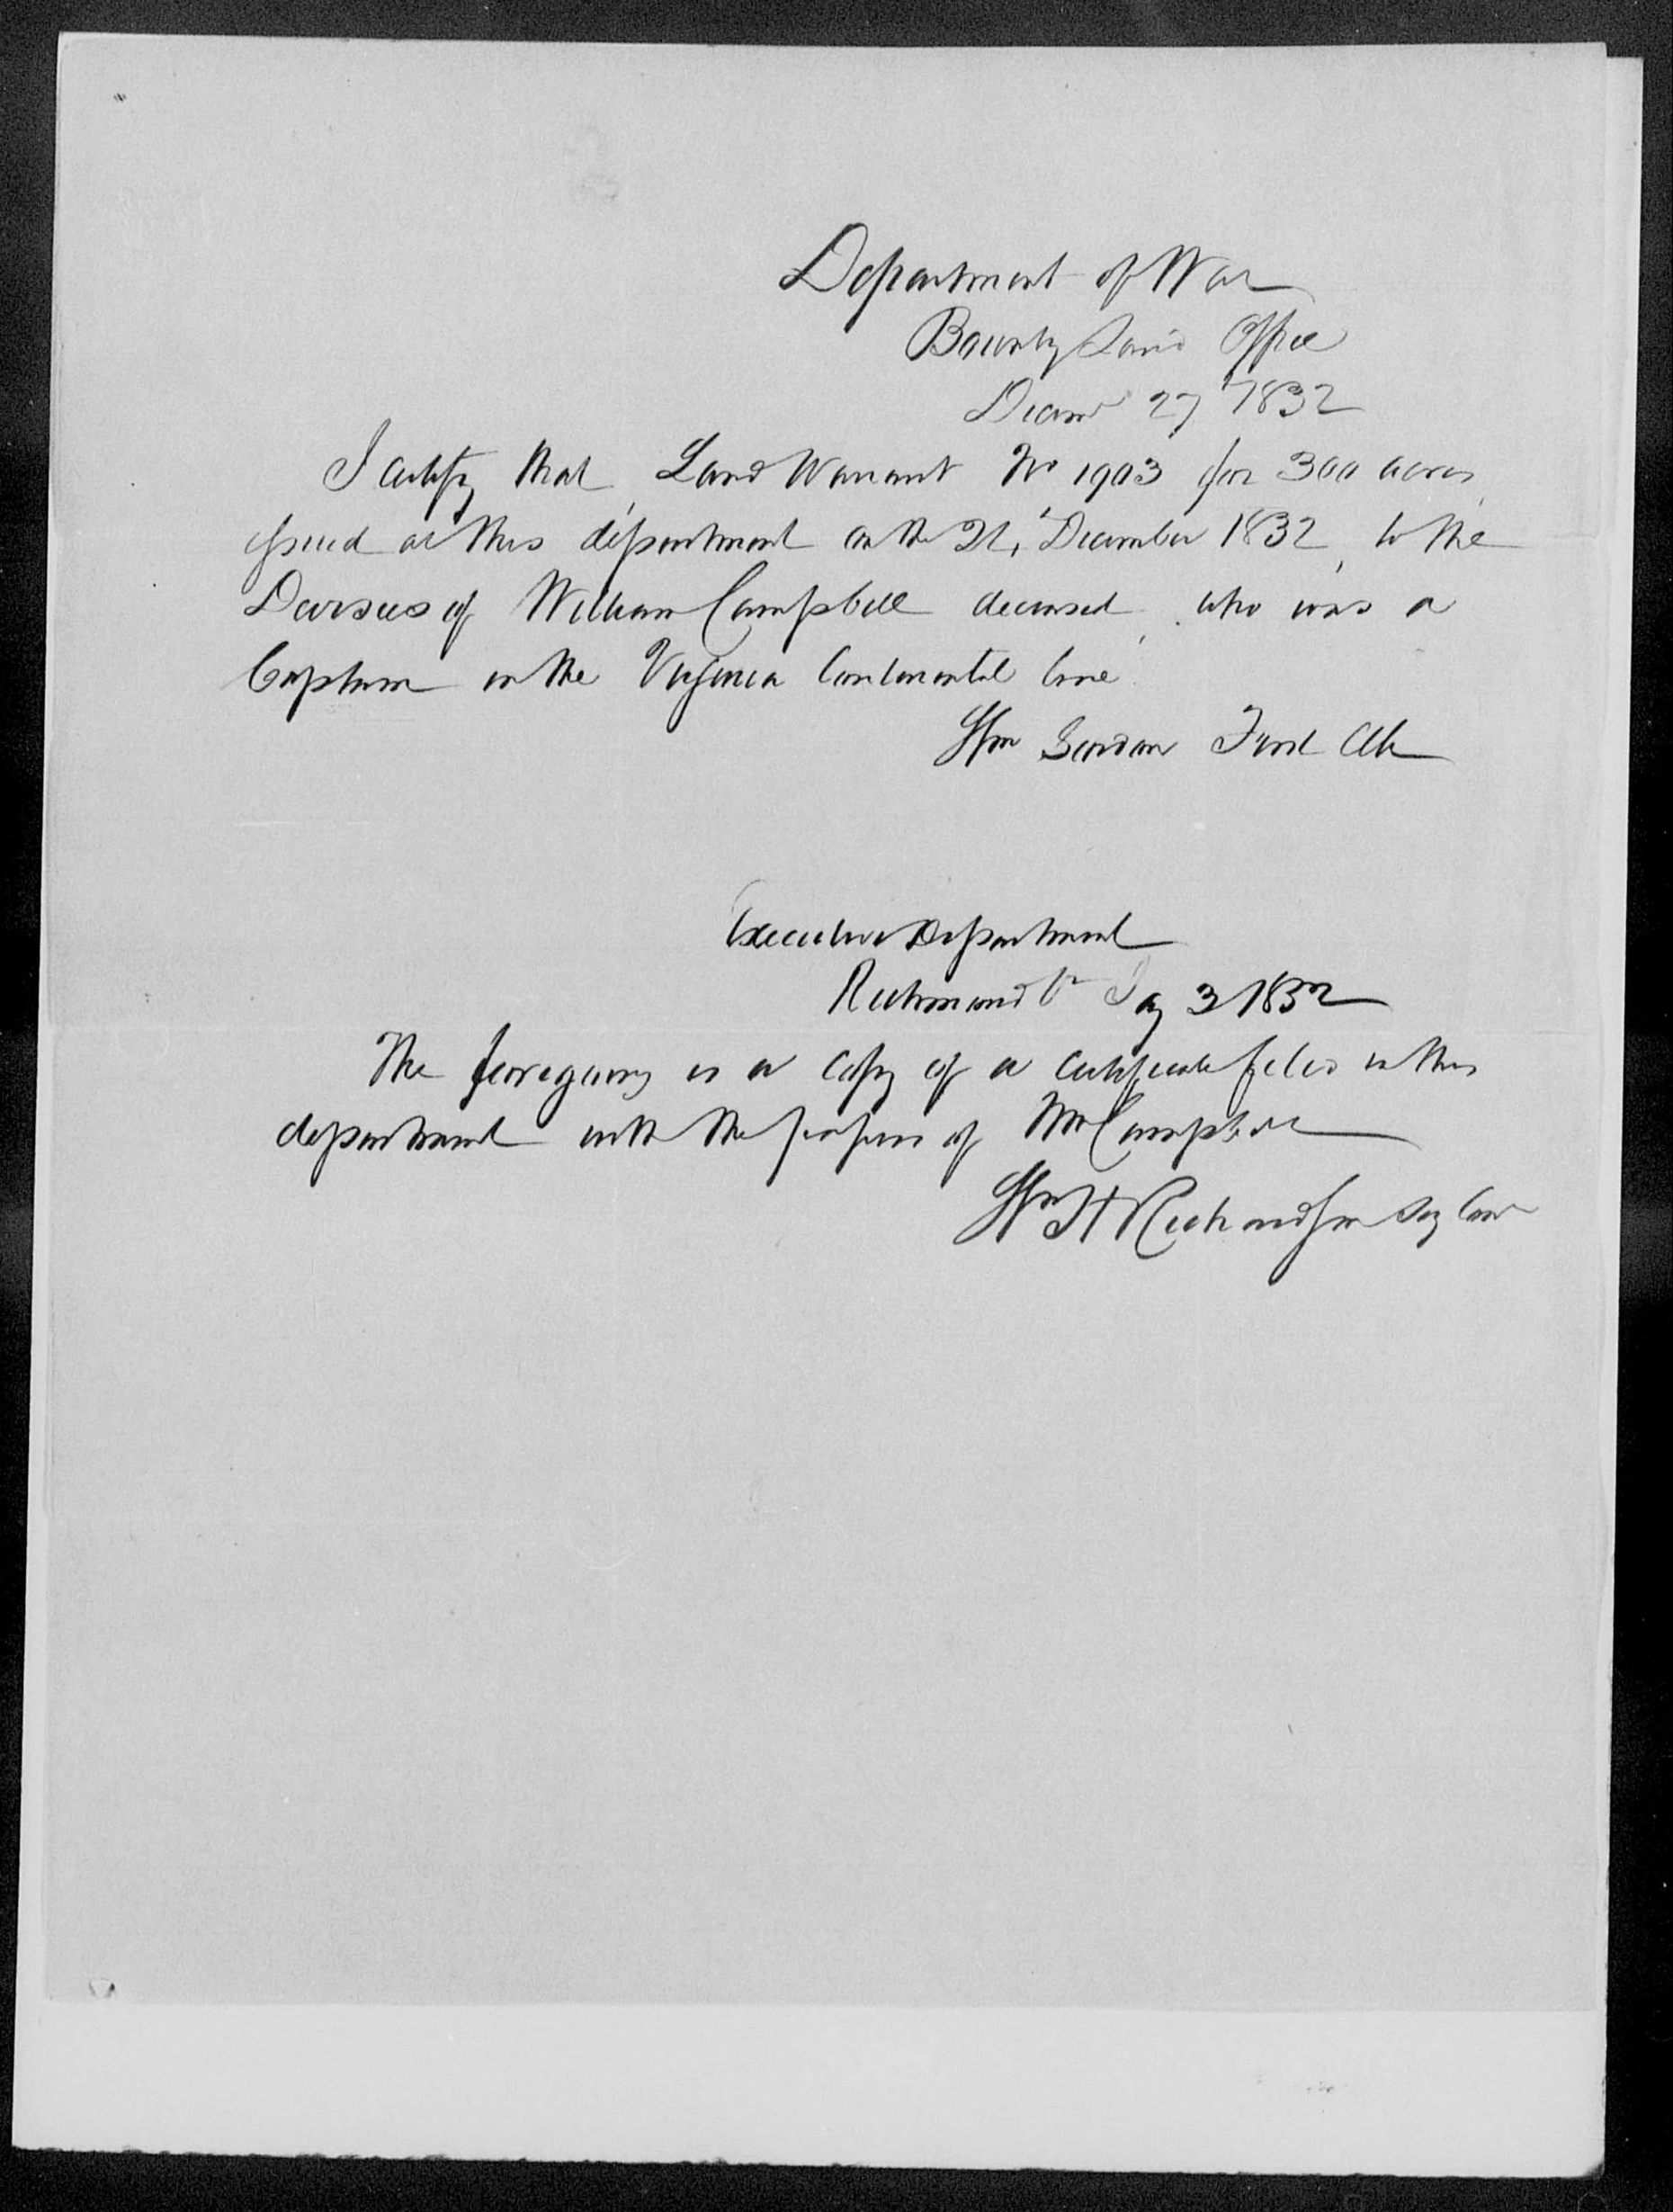Department of War
Bounty Land Office
Decemr 27 1832

I certify that Land Warrant W 1903 for 300 acres issued at this department on the 21, December 1832, to the Devisees of William Campbell deceased who was a Captain in the Virginia Continental line
Wm Gordon Firth Clk


Executive Department
Richmond Va Jay 3 1832

The foregoing is a copy of a Certificate filed in this department with the purpose of Wm Campbell

Wm H Richardson   Sig ture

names: Wm H Richardson, William Campbell, Wm Gordon, Campbell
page: 76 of 267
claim: widow's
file: W. 4,149, William Campbell, Va.